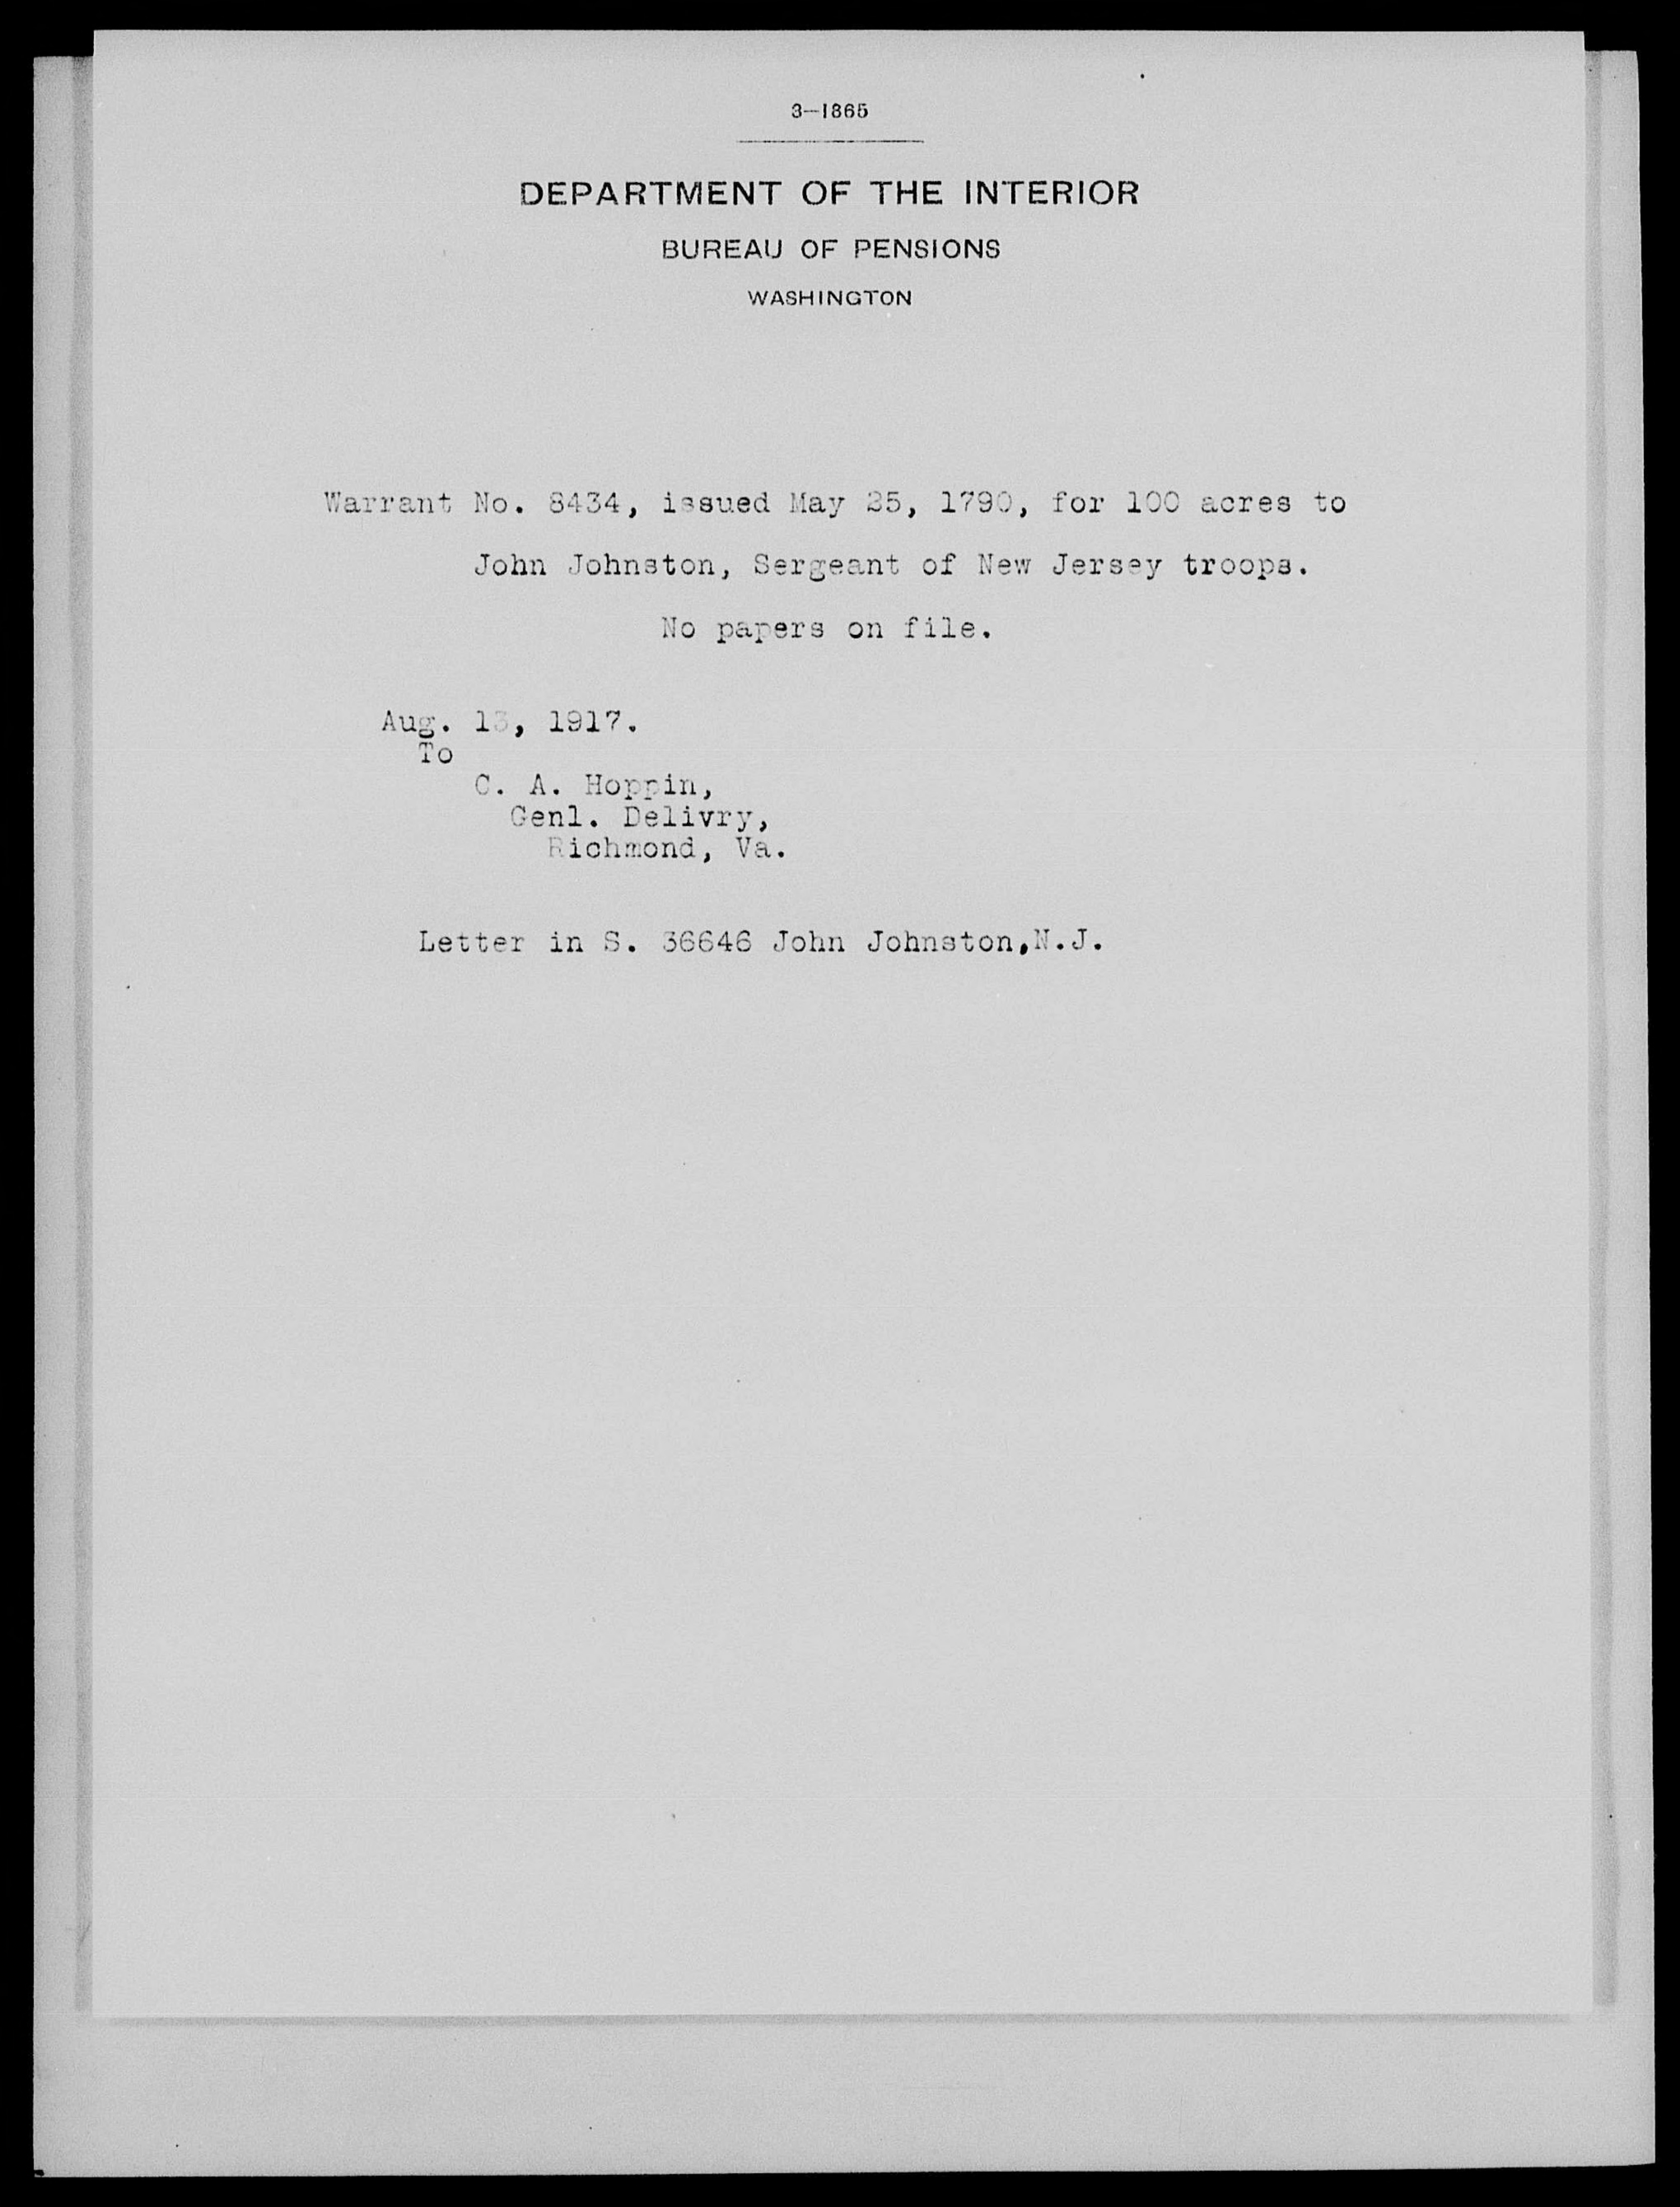3-1865

DEPARTMENT OF THE INTERIOR
BUREAU OF PENSIONS
WASHINGTON

Warrant No. 8434, issued May 25, 1790, for 100 acres to John Johnsonburg, Sergeant of New Jersey troops.
No papers on file.

August 13, 1917.
To
C. A. Hoppin,
Genl. Delivry,
Richmond, Va.

Letter in S. 36646 John Johnsonton,N.J.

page: 2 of 2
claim: bounty land warrant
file: B. L. Wt. 8434-100, for John Johnston, New Jersey